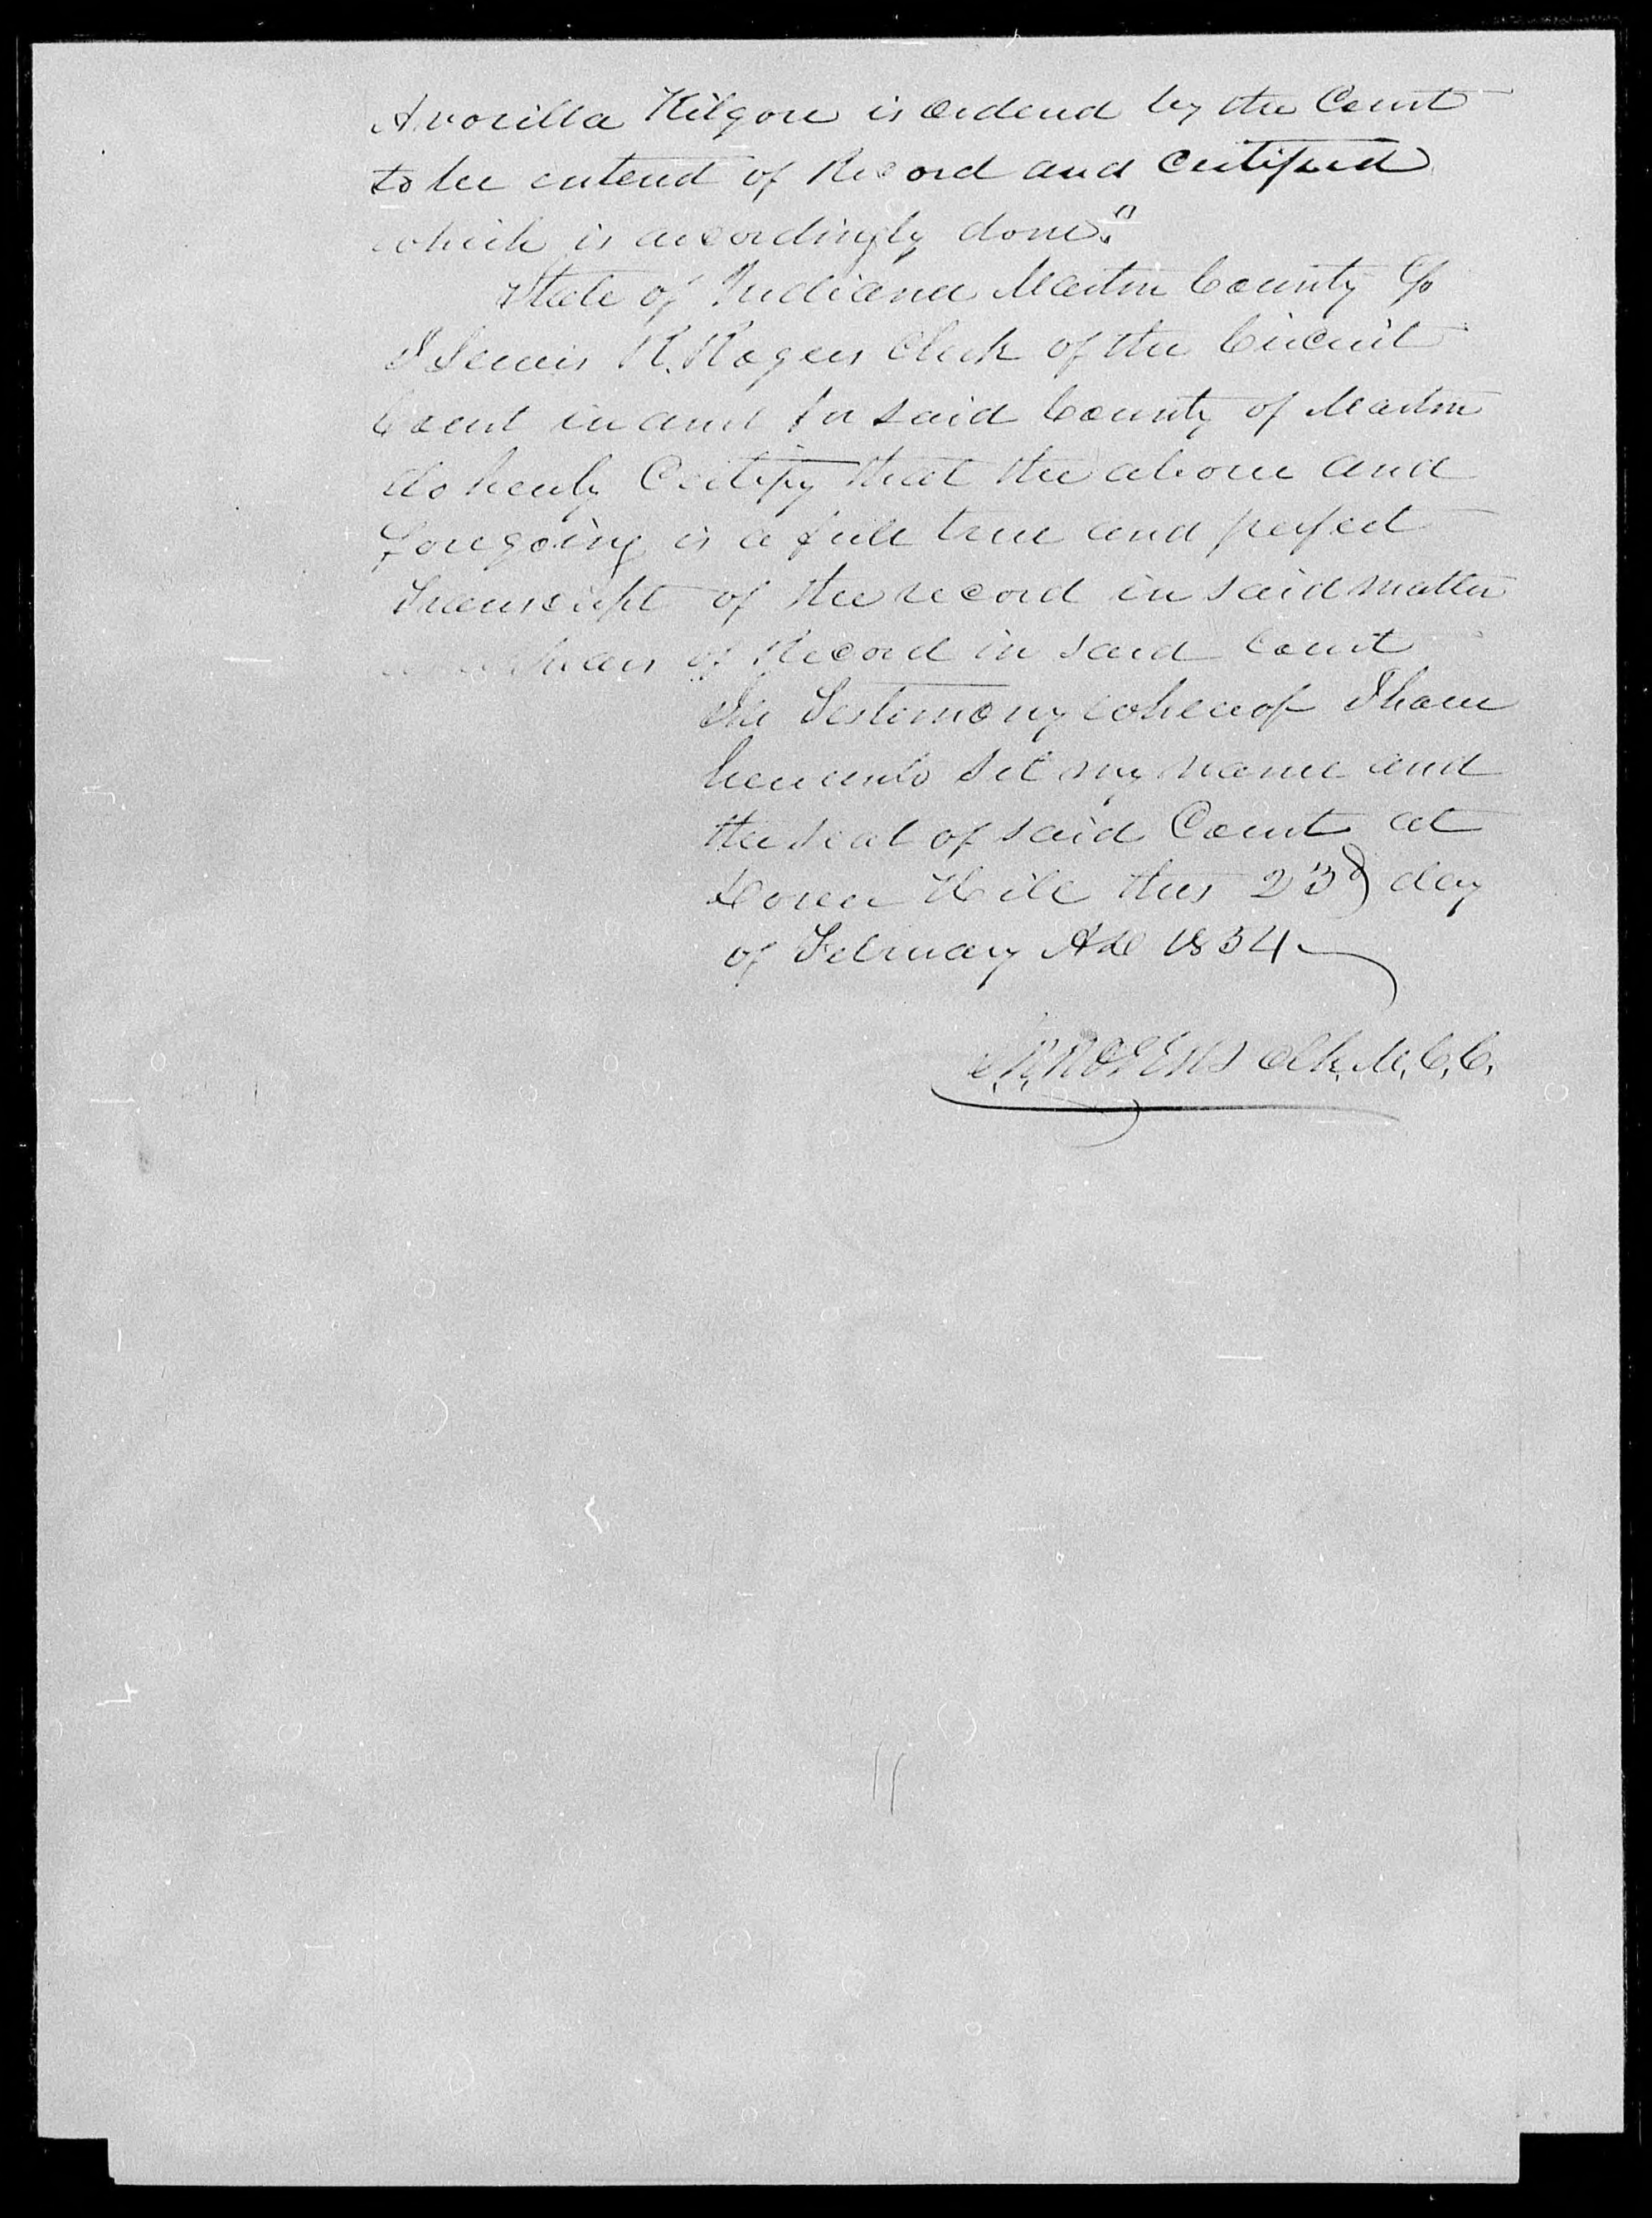Avorilla [Avarilla] Kilgore is ordered by the Court to be entered of Record and certified
which is accordingly done."
State of Indiana Martin County c/o
I Lewis R. Rogers Clerk of the Circuit Court in and for said County of Martin do hereby certify that the above and foregoing is a full true and perfect Transcript of the record in said matter [illegible] of Record in said Court
In Testimony whereof I have hereunto set my name and the seal of said Court at Dover Hill this 23d day of February AD 1854
L. R. Rogers clk. M.C.C.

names: Lewis R Rogers; Avorilla Kilgore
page: 55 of 115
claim: survivor's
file: S. 699, for Charles Kilgore, Virginia